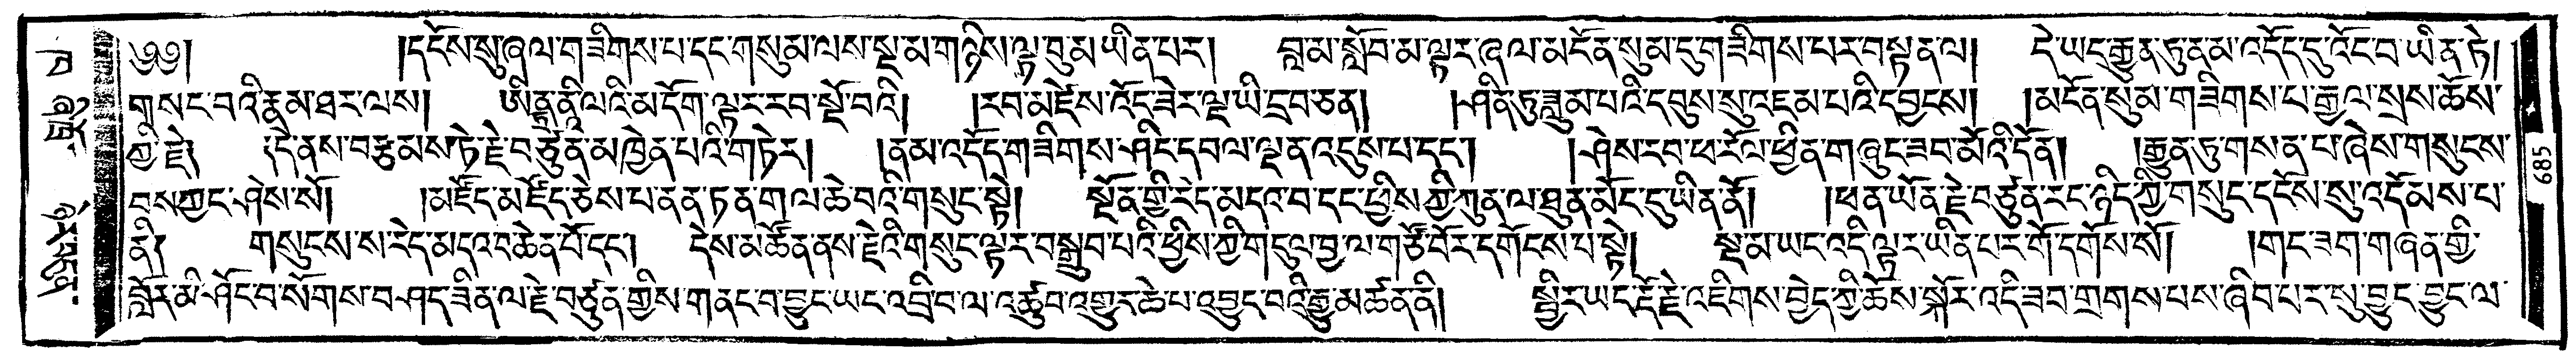༄༅། །དངོས་སུ་ཞལ་གཟིགས་པ་དང་གསུམ་ལས་སྔ་མ་གཉིས་ལྟ་བུ་མ་ཡིན་པར། བླ་མ་སློབ་མ་ལྟར་ཞལ་མངོན་སུམ་དུ་གཟིགས་པར་བསྟན་ལ། དེ་ཡང་རྒྱུན་ཏུ་ནམ་འདོད་དུ་འོང་བ་ཡིན་ཏེ།
གསང་བའི་རྣམ་ཐར་ལས། ཨིནྟྲ་ནཱི་ལའི་མདོག་ལྟར་རབ་སྔོ་བའི། །རབ་མཛེས་འོད་ཟེར་ལྔ་ཡི་དྲ་བ་ཅན། །ཤིན་ཏུ་ཟླུམ་པའི་དབུས་སུ་འཇམ་པའི་དབྱངས། །མངོན་སུམ་གཟིགས་པ་རྒྱལ་སྲས་ཆོས་
ཀྱི་རྗེ༑ ༑དེ་ནས་བརྩམས་ཏེ་རྗེ་བཙུན་མཁྱེན་པའི་གཏེར། །ནམ་འདོད་གཟིགས་ཤིང་དཔལ་ལྡན་འདུས་པ་དང་། །ཤེས་རབ་ཕ་རོལ་ཕྱིན་གཞུང་ཟབ་མོའི་དོན། །རྒྱུན་ཏུ་གསན་པ་ཞེས་གསུངས་
བས་ཀྱང་ཤེས་སོ། །མཛོད་མཛོད་ཅེས་པ་ནན་ཏན་གལ་ཆེ་བའི་གསུང་སྟེ། སྔོན་གྱི་རེད་མདའ་བ་དང་ཕྱིས་ཀྱི་ཀུན་ལ་ཐུན་མོང་དུ་ཡིན་ནོ། །ཕན་ཡོན་རྗེ་བཙུན་རང་ཉིད་ཀྱི་གསུང་དངོས་སུ་འདོམས་པ་
ནི༑ གསུངས་ས་རེད་མདའ་བ་ཆེན་པོ་དང་། དེས་མཚོན་ནས་རྗེའི་གསུང་ལྟར་བསྒྲུབ་པའི་ཕྱིས་ཀྱི་གདུལ་བྱ་ལ་གཙོ་བོར་དགོངས་པ་སྟེ། སྔ་མ་ཡང་འདི་ལྟར་ཡིན་པར་གོ་དགོས་སོ། །གང་ཟག་གཞན་གྱི་
བློར་མི་ཤོང་བ་སོགས་བཤད་ཟིན་ལ་རྗེ་བཙུན་གྱིས་གནང་བ་བྱུང་ཡང་འབྲི་བ་ལ་འཚུབ་འགྱུར་ཆེ་བ་འབྱུང་བའི་རྒྱུ་མཚན་ནི། སྤྱིར་ཡང་རྡོ་རྗེ་འཇིགས་བྱེད་ཀྱི་ཆོས་སྐོར་འདི་ཟབ་གྲགས་པས་ཞིབ་པར་སུ་བྱུང་བྱུང་ལ་